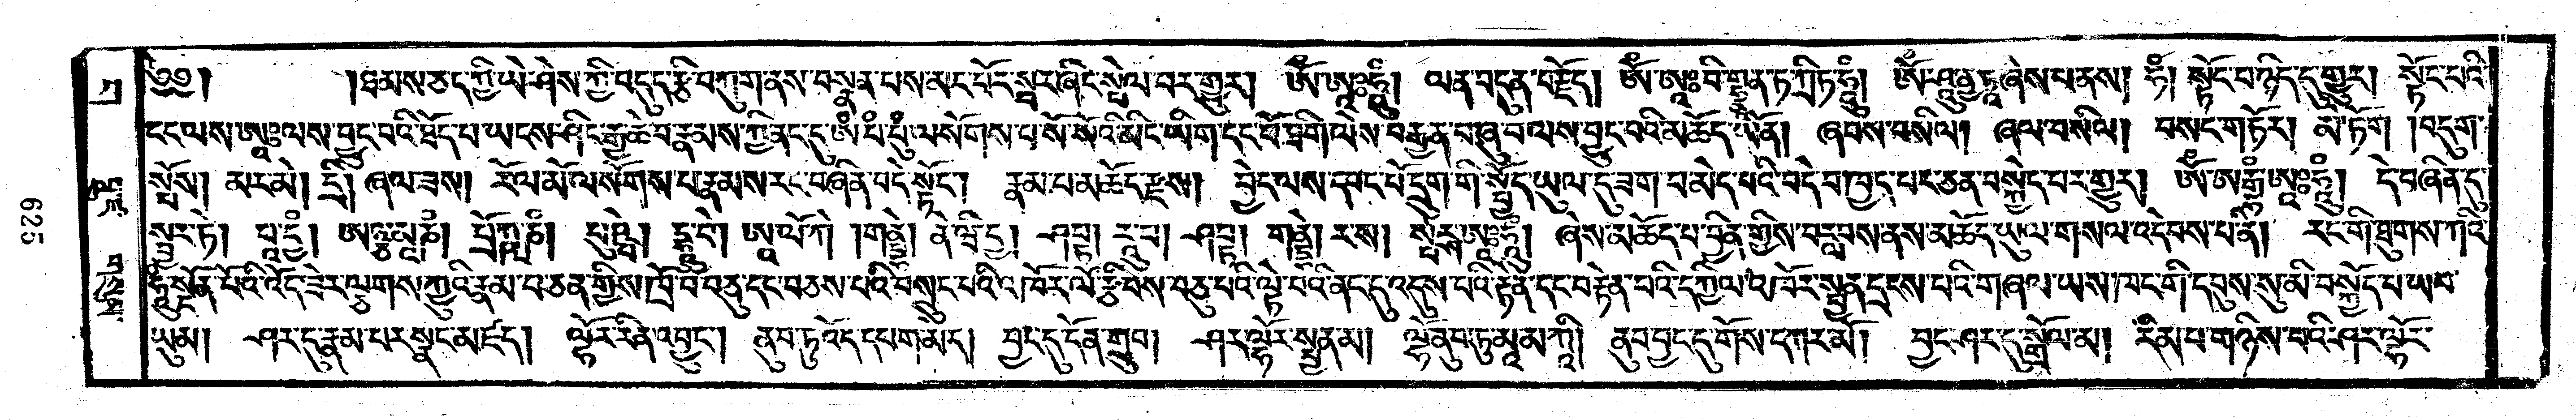༄༅། །ཐམས་ཅད་ཀྱི་ཡེ་ཤེས་ཀྱི་བདུད་རྩི་བཀུག་ནས་སྣན་པས་མང་པོར་སྦར་ཞིང་སྤེལ་བར་གྱུར། ཨོཾ་ཨཱཿ ཧཱུཾ། ལན་བདུན་བརྗོད། ཨོཾ་ཨཱཿ བི་གཞན་ན་ཏ་ཀྲི་ཏ་ཧཱུཾ། ཨོཾ་ཤཱུ་ནྱ་ཏཱ་ཞེས་པ་ནས། ཧཾ། སྟོང་བ་ཉིད་དུ་གྱུར། སྟོང་བའི་
དང་ལས་ཨཱཿ ལས་བྱུང་བའི་ཐོད་པ་ཡངས་ཤིང་རྒྱ་ཚེ་བ་རྣམས་ཀྱི་ནང་དུ་ཨཾ་པཾ་པུཾ་ལ་སོགས་པ་སོ་སོའི་མིང་ཡིག་དང་པོ་ཐིག་ལེས་བརྒྱན་བ་ཞུ་བ་ལས་བྱུང་བའི་མཆོད་ཡོན། ཞབས་བསིལ། ཞལ་བསིལ། བསང་གཏོར། མེ་ཏོག །བདུག་
སྤོས། མར་མེ། དྲི། ཞལ་ཟས། རོལ་མོ་ལ་སོགས་པ་རྣམས་རང་བཞིན་བདེ་སྟོང་། རྣམ་པ་མཆོད་རྫས། བྱེད་ལས་དབང་པོ་དྲུག་གི་སྤྱོད་ཡུལ་དུ་ཟག་པ་མེད་པའི་བདེ་བ་ཁྱད་པར་ཅན་བསྐྱེད་པར་གྱུར། ཨོཾ་ཨརྒྷཾ་ཨཱཿ ཧཱུཾ། དེ་བཞིན་དུ་
སྦྱར་ཏེ། པཱ་དྱཾ། ཨཉྩ་མྰྞཾ། པྲོཀྵ་ཎཾ། པུཥྤེ། དྷཱུ་བེ། ཨཱ་ལོ་ཀེ །གནྦྷེ། ནེ་ཝི་དྱ། ཤྤྟ། རཱུ་པ། ཤྤཏ། གནྡྷེ། ར་ས། སྤེརྴ་ཨཱཿ ཧཱུཾ། ཞེས་མཆོད་པ་བྱིན་གྱིས་བརླབས་ནས་མཆོད་མཆོད་ཡུལ་གསལ་འདེབས་པ་ནི། རང་གི་ཐུགས་ཀའི་
ཧཱུཾ་སྔོན་པོའི་འོད་ཟེར་ལྕགས་ཀྱུའི་རྣམ་པ་ཅན་གྱིས་ཁྲོ་བོ་བཅུ་དང་བཅས་པའི་བསྲུང་བའི་འཁོར་ལོ་རྩིབས་བཅུ་པའི་ལྟེ་བའི་ནང་དུ་འདུས་པའི་རྟེན་དང་བརྟེན་པའི་དཀྱིལ་འཁོར་སྤྱན་དྲངས་པའི་གཞལ་ཡས་ཁང་གི་དབུས་སུ་མི་བསྐྱོད་པ་ཡབ་
ཡུམ། ཤར་དུ་རྣམ་པར་སྣང་མཛད། ལྷོར་རིན་འབྱུང་། ནུབ་ཏུ་འོད་དཔག་མེད། བྱང་དུ་དོན་གྲུབ། ཤར་ལྷོར་སྤྱན་མ། ལྷོ་ནུབ་ཏུ་མཱ་མ་ཀཱི། ནུབ་བྱང་དུ་གོས་དཀར་མོ། བྱང་ཤར་དུ་སྒྲོལ་མ། རིམ་པ་གཉིས་པའི་ཤར་ལྷོར་